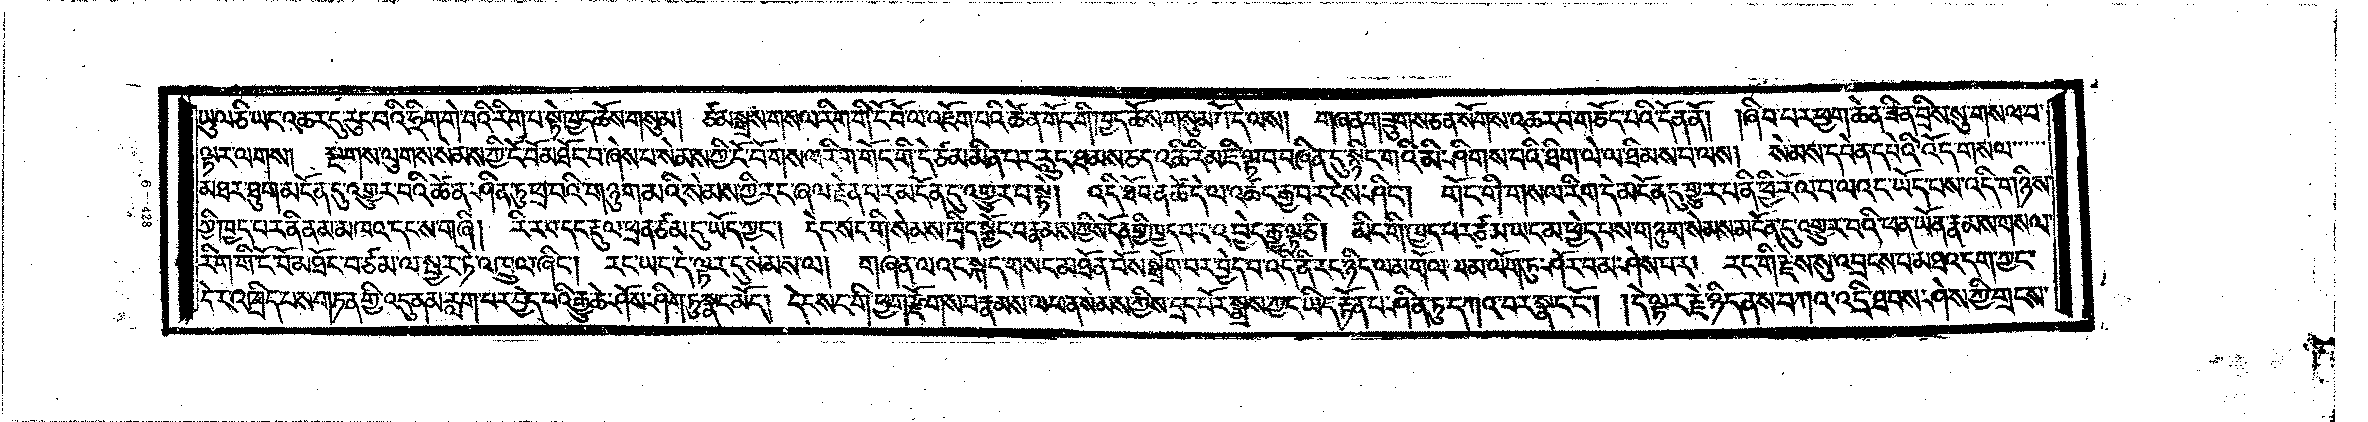ཡུལ་ཅི་ཡང་འཆར་དུ་རུང་བའི་ཧྲིག་གེ་བའི་རིག་པ་སྟེ་ཁྱད་ཆོས་གསུམ། ཙམ་སྒྲས་གསལ་རིག་གི་ངོ་བོ་ལ་འཇོག་པའི་ཚེ་ན་གོང་གི་ཁྱད་ཆོས་གསུམ་པོ་དེ་ལས། གཞན་གཟུགས་ཅན་སོགས་འཆར་བ་གཅོད་པའི་དོན་ནོ། །ཞིབ་པར་ཕྱག་ཆེན་ཟིན་བྲིས་སུ་གསལ་བ་
ལྟར་ལགས། སྔགས་ལུགས་སེམས་ཀྱི་ངོ་བོ་མཐོང་པ་ཞེས་པ་སེམས་ཀྱི་ངོ་བོ་གསལ་རིག་གོང་གི་དེ་ཙམ་མིན་བར་རླུང་ཐམས་ཅད་འཆི་རིམ་ཇི་ལྟ་བ་བཞིན་དུ་སྙིང་གའི་མི་ཤིགས་པའི་ཐིག་ལེ་ལ་ཐིམས་པ་ལས། སེམས་དབེན་དཔེའི་འོད་གསལ་
མཐར་ཐུག་མངོན་དུ་འགྱུར་བའི་ཚེ་ན་ཤིན་ཏུ་ཕྲ་བའི་གཉུག་མའི་སེམས་ཀྱི་རང་ཞལ་རྗེན་པར་མངོན་དུ་འགྱུར་བ་སྟེ། འདི་ཐོབ་ན་ཚེ་དེ་ལ་འཚང་རྒྱ་བར་ངེས་ཤིང་། གོང་གི་གསལ་རིག་དེ་མངོན་དུ་གྱུར་པ་ནི་ཕྱི་རོལ་བ་ལའང་ཡོད་པས་འདི་གཉིས་
ཀྱི་ཁྱད་པར་ནི་ནམ་མཁའ་དང་ས་གཞི། རི་རབ་དང་རྡུལ་ཕྲན་ཙམ་དུ་ཡོད་ཀྱང་། དེང་སང་གི་སེམས་ཁྲིད་སྐྱོང་བ་རྣམས་ཀྱིས་དོན་གྱི་ཁྱད་པར་འབྱེད་རྒྱུ་ལྟ་ཅི། མིང་གི་ཁྱད་པར་ཙམ་ཡང་མ་ཕྱེད་པས་གཉུག་སེམས་མངོན་དུ་འགྱུར་བའི་ཕན་ཡོན་རྣམས་གསལ་
རིག་གི་ངོ་བོ་མཐོང་བ་ཙམ་ལ་སྦྱར་ཏེ་འཁྲུལ་ཞིང་། རང་ཡང་དེ་ལྟར་དུ་སེམས་ལ། གཞན་ལའང་སྐད་གསང་མཐོན་བོས་སྒྲོག་བར་བྱེད་བ་འདི་ནི་རང་ཉིད་ལམ་གོལ་ལམ་ལོག་ཏུ་ཤོར་བམ་ཤེས་པར། རང་གི་རྗེས་སུ་འབྲངས་བ་མཐའ་དག་ཀྱང་
དེར་འཁྲིད་པས་གཏན་གྱི་འདུན་མ་རླག་པར་བྱེད་པའི་རྒྱུ་ཆེ་ཤོས་ཤིག་ཏུ་སྣང་མོད། དེང་སང་གི་ཕྱག་རྫོགས་བ་རྣམས་ལ་ཕན་སེམས་ཀྱིས་དྲང་པོར་སྨྲས་ཀྱང་ཡིད་རྟོན་པ་ཤིན་ཏུ་དཀའ་བར་སྣང་ངོ། །དེ་ལྟར་རྗེ་ཉིད་ནས་བཀའ་འདྲི་ཐབས་ཤེས་ཀྱི་གྲངས་